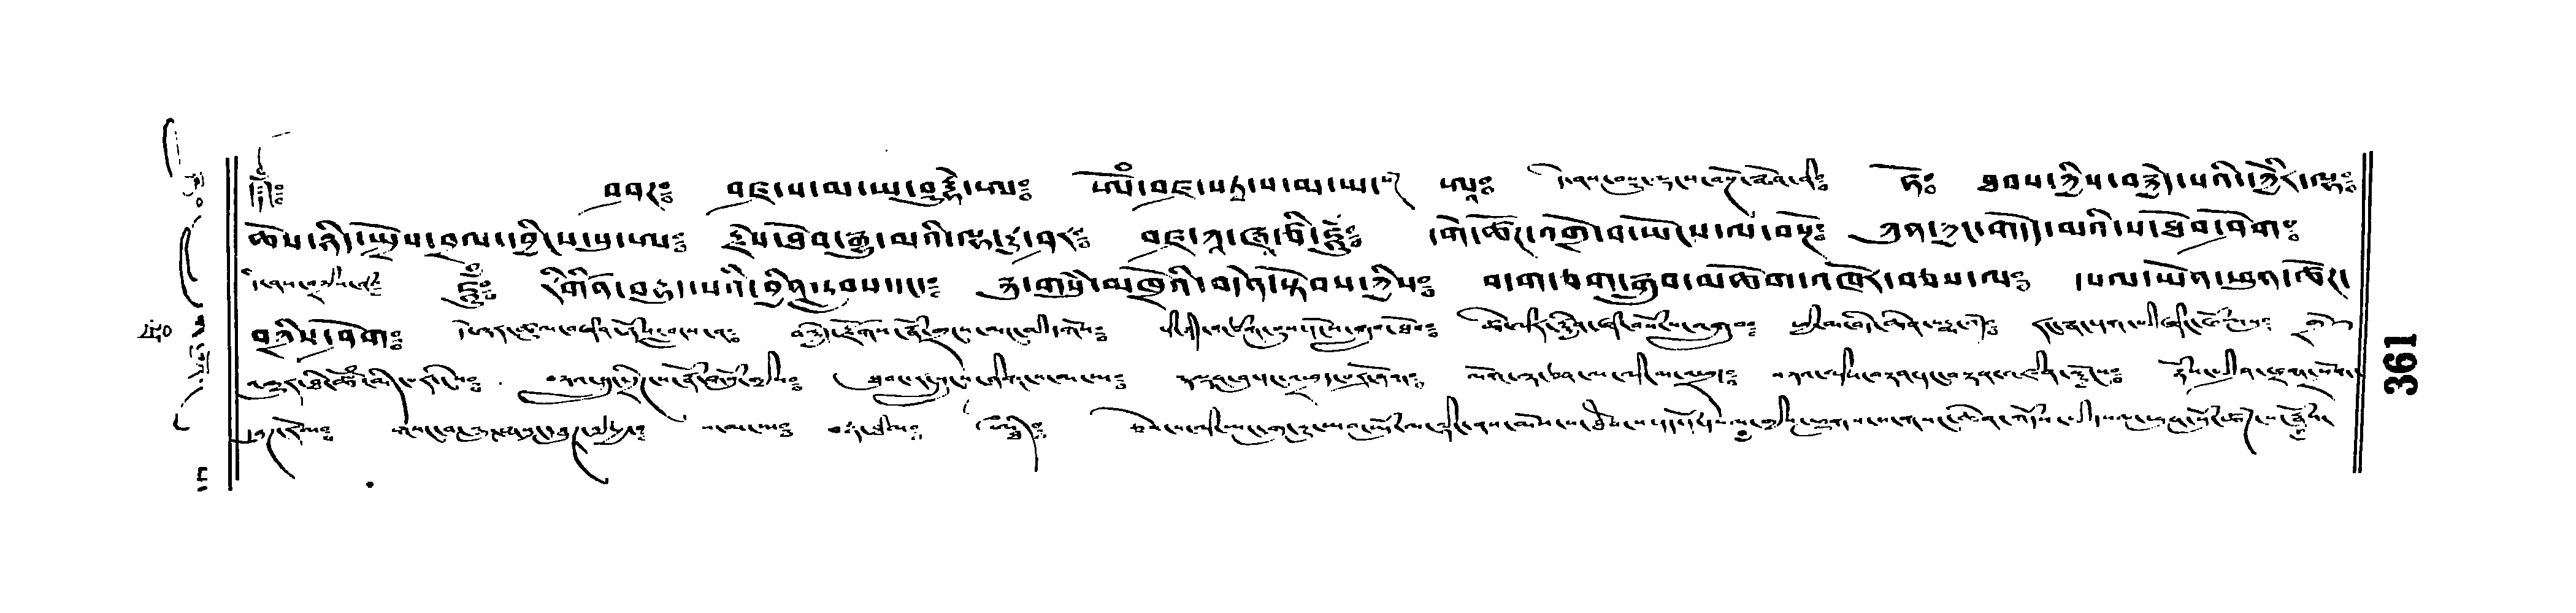བཤགས༔ བཛྲ་ས་མ་ཡ་ཤུདྡྷེ་ཨཱཿ ཨོཾ་བཛྲ་སཏྭ་ས་མ་ཡ་སོགས༔ ཨཱཿ དེ་ནས་བསྡུ་ལྡང་བསྔོ་སྨོན་ནི༔ཧོཿ ཐབས་ཀྱིས་བསྐྱེད་པའི་དཀྱིལ་འཁོར་ལྷ༔ 
ཆོས་ཉིད་སྤྲོས་བྲལ་དབྱིངས་སུ་ཨཱཿ རྗེས་ཐོབ་སྒྱུ་མའི་ལྷ་རུ་ཤར༔ བཛྲ་ཀཱ་ཝཱ་ཙི་ཧཱུྃ༔ དགེ་ཚོགས་འགྲོ་བ་ཡོངས་ལ་བསྔོ༔ ཀུན་ཀྱང་གདོད་མའི་ས་ཐོབ་ཤོག༔ 
དེ་ནས་བཀྲ་ཤིས་ནི༔ ཧཱུྃ༔ རིག་འཛིན་བརྒྱུད་པའི་བྱིན་རླབས་དང༔ སྐུ་གསུམ་མཁའ་འགྲོའི་བདེན་སྟོབས་ཀྱིས༔ བདག་ཅག་སྒྲུབ་མཆོག་འཁོར་བཅས་ལ༔ དཔལ་ཡོན་ཕུན་ཚོགས་
བཀྲ་ཤིས་ཤོག༔ དེ་ལྟར་ཚུལ་བཞིན་ཉམས་བླངས་ན༔ བསྐྱེད་རྫོགས་རྣམ་གྲངས་མང་མི་དགོས༔ འདི་ཉིད་གཅིག་སྡུས་དངོས་གྲུབ་ཐོབ༔ ཚེ་འདིར་རྐྱེན་ཞི་བསམ་པ་འགྲུབ༔ ཕྱི་མ་བདེ་ཆེན་པདྨ་འོད༔ རང་སྣང་དག་པའི་ཞིང་ཁམས་སུ༔ གྲོལ་
འགྱུར་ཐེ་ཚོམ་མེད་པར་ངེས༔ བཀའ་སྲུང་དྲེགས་པ་རྣམ་གསུམ་གྱིས༔ ཐུབ་པར་སྲུངས་ཤིག་ས་མ་ཡ༔ སྐལ་ལྡན་བུ་དང་འཕྲད་པར་ཤོག༔ ལོག་ལྟ་ཅན་ལ་འདི་མ་འཕྲད༔ བཀའ་འདིའི་བསྟན་དང་བསྟན་འཛིན་སྐྱོངས༔ ཉམས་པའི་ཤ་ཁྲག་སྲོག་
དབུགས་རོལ༔ གསང་བ་སྐུ་གསུང་ཐུགས་ཀྱི་རྒྱ༔ ས་མ་ཡ༔ བརྡ་ཐིམ༔ ༔ ཅེས་པ་འདི་ཡང་གུ་རུ་ཡབ་ཡུམ་ལ་སྙིང་ནས་མོས་པ་ཐོབ་དད་དམ་དཔལ་གྱིས་ཕྱུག་པ་གསང་ཆེན་གདམས་པའི་དཔལ་ཕུན་སུམ་ཚོགས་པ་རྣམས་